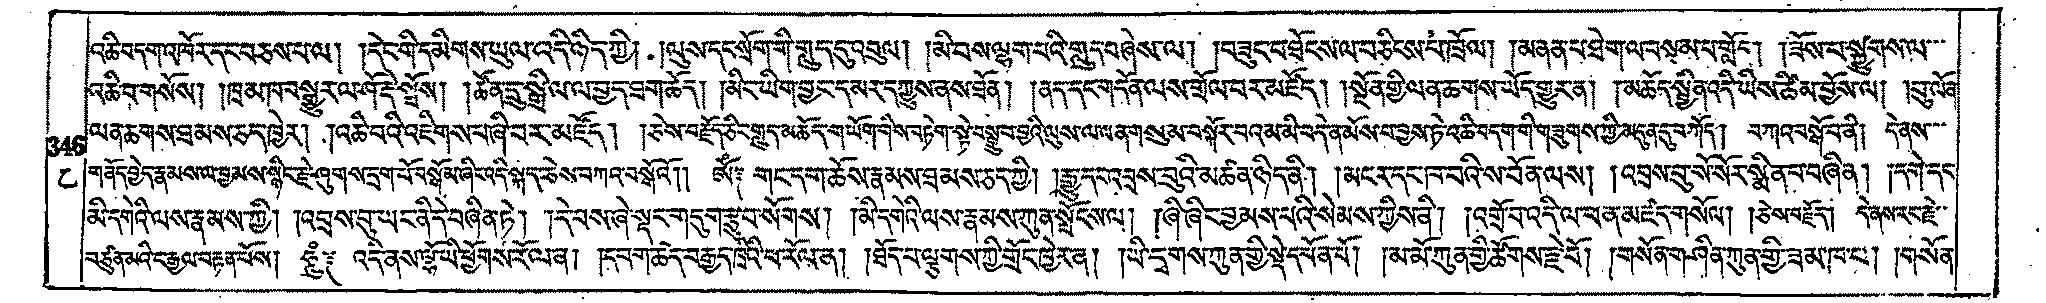འཆི་བདག་འཁོར་དང་བཅས་པ་ལ། །དེང་གི་དམིགས་ཡུལ་འདི་ཉིད་ཀྱི། །ལུས་དང་སྲོག་གི་གླུད་དུ་འབུལ། །མི་བས་ལྷག་པའི་གླུད་བཞེས་ལ། །བཟུང་བ་ཐོངས་ལ་བཅིངས་པ་ཁྲོལ། །མནན་པ་ཐེག་ལ་བསྡམ་པ་གློད། །ཟོས་པ་སྐྱུགས་ལ་་་
འཆི་བ་གསོས། །ཁྲམ་ཁ་བསྒྱུར་ལ་ཤོ་རྡེ་སྤོས། །ཚོན་དྲུ་སྒྲིལ་ལ་བྱད་ཐག་ཆོད། །མིང་ཡིག་བྱང་དམར་དཀྱུས་ནས་ཐོན། །ནད་དང་གདོན་ལས་གྲོལ་བར་མཛོད། །སྔོན་གྱི་ལན་ཆགས་ཡོད་གྱུར་ན། །མཆོད་སྦྱིན་འདི་ཡིས་ཚིམ་བྱོས་ལ། །བུ་ལོན་
ལན་ཆགས་ཐམས་ཅད་ཁྱེར། །འཆི་བའི་འཇིགས་པ་ཞི་བར་མཛོད། །ཅེས་བརྗོད་ཅིང་གླུད་མཆོད་གཡོག་གིས་བཏེག་སྟེ་བསྒྲུབ་བྱའི་ལུས་ལ་ལན་གསུམ་བསྐོར་བའམ་མི་བདེ་ན་མོས་པ་བྱས་ཏེ་འཆི་བདག་གི་གཟུགས་ཀྱི་མདུན་དུ་བཀོད། བཀའ་བསྒོ་བ་ནི། དེ་ནས་་་
གནོད་བྱེད་རྣམས་ལ་བྱམས་སྙིང་རྗེ་ཤུགས་དྲག་པོ་བསྒོམ་ཞིང་འདི་སྐད་ཅེས་བཀའ་བསྒོའོ།། ཨོཾ༑ གང་དག་ཆོས་རྣམས་ཐམས་ཅད་ཀྱི། །རྒྱུ་དང་འབྲས་བུའི་མཚན་ཉིད་ནི། །མངར་དང་ཁ་བའི་ས་བོན་ལས། །འབྲས་བུ་སོ་སོར་སྨིན་པ་བཞིན། །དགེ་དང་
མི་དགེའི་ལས་རྣམས་ཀྱི། །འབྲས་བུ་ཡང་ནི་དེ་བཞིན་ཏེ། །དེ་བས་ཞེ་སྡང་གདུག་རྩུབ་སོགས། །མི་དགེའི་ལས་རྣམས་ཀུན་སྤོངས་ལ། །ཞི་ཞིང་བྱམས་པའི་སེམས་ཀྱིས་ནི། །འགྲོ་བ་འདི་ལ་ཕན་མཛད་གསོལ། །ཅེས་བརྗོད། དེ་ནས་རང་རྗེ་་་
བཙུན་མའི་ང་རྒྱལ་བརྟན་པོས། ཧཱུཾ༑ འདི་ནས་ལྷོ་ཡི་ཕྱོགས་རོལ་ན། །དཔག་ཚད་བརྒྱད་ཁྲིའི་ཕ་རོལ་ན། །ཐོད་པ་ལྕགས་ཀྱི་གྲོང་ཁྱེར་ན། །ཡི་དྭགས་ཀུན་གྱི་སྡེ་དཔོན་པོ། །མ་མོ་ཀུན་གྱི་ཚོགས་རྗེ་བོ། །གསོན་གཤིན་ཀུན་གྱི་ཟམ་ཁ་པ། །གསོན་